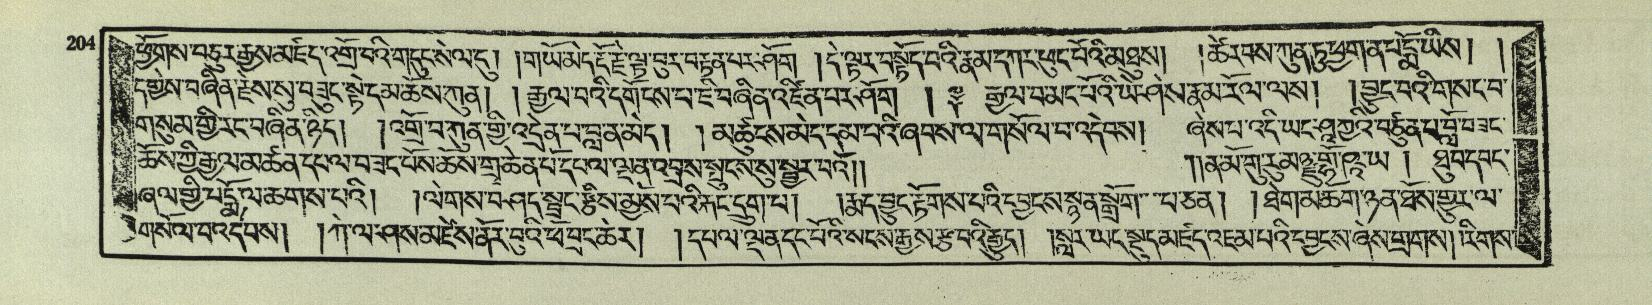ཕྱོགས་བཅུར་རྒྱས་མཛད་འགྲོ་བའི་གདུང་སེལ་དུ། །གཡོ་མེད་རྡོ་རྗེ་ལྟ་བུར་བརྟན་པར་ཤོག །དེ་ལྟར་བསྟོད་པའི་རྣམ་དཀར་ཕུང་པོའི་མཐུས། །ཚེ་རབས་ཀུན་ཏུ་ཕྱག་ན་པདམོ་ཡིས། །
དགྱེས་བཞིན་རྗེས་སུ་བཟུང་སྟེ་དམ་ཆོས་ཀུན། །རྒྱལ་བའི་དགོངས་པ་ཇི་བཞིན་འཛིན་པར་ཤོག ། འ་རྒྱལ་བ་མང་པོའི་ཡེ་ཤེས་རྣམ་རོལ་ལས། །བྱུང་བའི་གསང་བ་
གསུམ་གྱི་རང་བཞིན་ཉིད། །འགྲོ་བ་ཀུན་གྱི་འདྲེན་པ་བླ་ན་མེད་།མཚུངས་མེད་དམ་པའི་ཞབས་ལ་གསོལ་བ་འདེབས། ཞེས་པ་འདི་ཡང་ཤཱཀྱའི་བཙུན་པ་བློ་བཟང་
ཆོས་ཀྱི་རྒྱལ་མཚན་དཔལ་བཟང་པོས་ཆོས་གྲྭ་ཆེན་པོ་དཔལ་ལྡན་འབྲས་སྤུངས་སུ་སྦྱར་བའོ།། །།ན་མོ་གུ་རུ་མཉྫུ་གྷོ་ཥཱ་ཡ། ཐུབ་དབང་
ཞལ་གྱི་པདམོ་ལ་ཆགས་པའི། །ལེགས་བཤད་སྦྲང་རྩིས་མྱོས་པའི་རྐང་དྲུག་པ། །རྨད་བྱུང་རྟོགས་པའི་དབྱངས་སྙན་སྒྲོག་པ་ཅན། །ཐེག་མཆོག་ཉན་ཐོས་གྱུར་ལ་
གསོལ་བ་འདེབས། །ཀེ་ལ་ཤས་མཛེས་ནོར་བུའི་ཕོ་བྲང་ཆེར། །དཔལ་ལྡན་དང་པོའི་སངས་རྒྱས་རྩ་བའི་རྒྱུད། །སླར་ཡང་སྡུད་མཛད་འཇམ་པའི་དབྱངས་ཞེས་གྲགས། །རིགས་